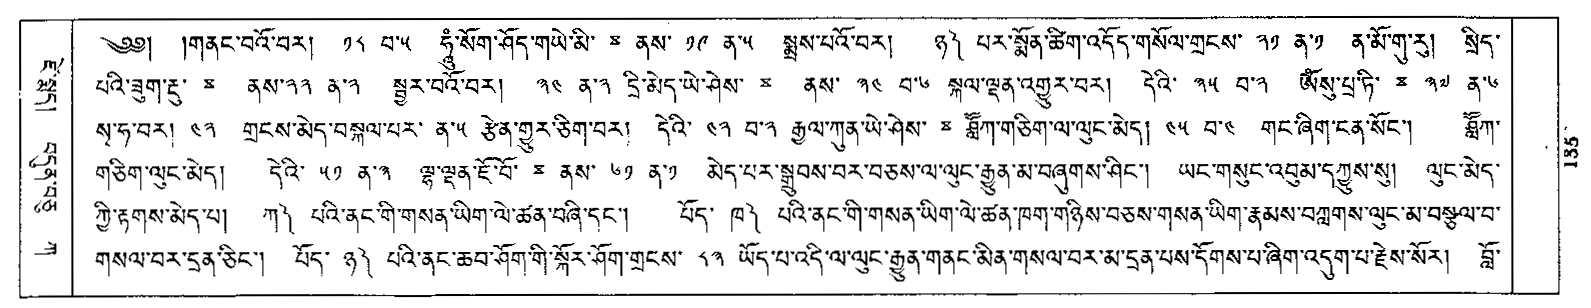༄༅། །གནང་བའོ་བར། ༡༨་བ ༥་ཧཱུཾ་སོག་ཤོད་གཡེ་མི་྾་ནས ༡༩་ན ༥་སྨྲས་པའོ་བར། ཉ྄་པར་སྨོན་ཚིག་འདོད་གསོལ་གྲངས ༢༡་ན ༡་ན་མོ་གུ་རུ། སྲིད་
པའི་ཟུག་རྔུ་྾་ནས ༢༢་ན ༢་སྦྱར་བའོ་བར། ༣༤་ན ༢་དྲི་མེད་ཡེ་ཤེས་྾་ནས ༣༤་བ ༦་སྐལ་ལྡན་འགྱུར་བར། དེའི ༣༥་བ ༢་ཨོཾ་སུ་པྲ་ཏི་྾ ༣༧་ན ༦
སྭ་ཧ་བར། ༤༢་གྲངས་མེད་བསྐལ་པར་ན ༥་རྩེན་གྱུར་ཅིག་བར། དེའི ༤༢་བ ༢་རྒྱལ་ཀུན་ཡེ་ཤེས་྾་ཤླཽ་ཀ་གཅིག་ལ་ལུང་མེད། ༤༥་བ ༤་གང་ཞིག་ངན་སོང་། ཤླཽ་ཀ་
གཅིག་ལུང་མེད། དེའི ༥༡་ན ༣་ལྷ་ལྡན་ཇོ་བོ་྾་ནས ༦༡་ན ༡་མེད་པར་སྒྲུབས་བར་བཅས་ལ་ལུང་རྒྱུན་མ་བཞུགས་ཤིང་། ཡང་གསུང་འབུམ་དཀྱུས་སུ། ལུང་མེད་
ཀྱི་རྟགས་མེད་པ། ཀ྄་པའི་ནང་གི་གསན་ཡིག་ལེ་ཚན་བཞི་དང་། པོད་ཁ྄་པའི་ནང་གི་གསན་ཡིག་ལེ་ཚན་ཁག་གཉིས་བཅས་གསན་ཡིག་རྣམས་བཀླགས་ལུང་མ་བསྩལ་བ་
གསལ་བར་དྲན་ཅིང་། པོད་ཉ྄་པའི་ནང་ཆབ་ཤོག་གི་སྐོར་ཤོག་གྲངས། ༨༣་ཡོད་པ་འདི་ལ་ལུང་རྒྱུན་གནང་མིན་གསལ་བར་མ་དྲན་པས་དོགས་པ་ཞིག་འདུག་པ་རྗེས་སོར། བློ་